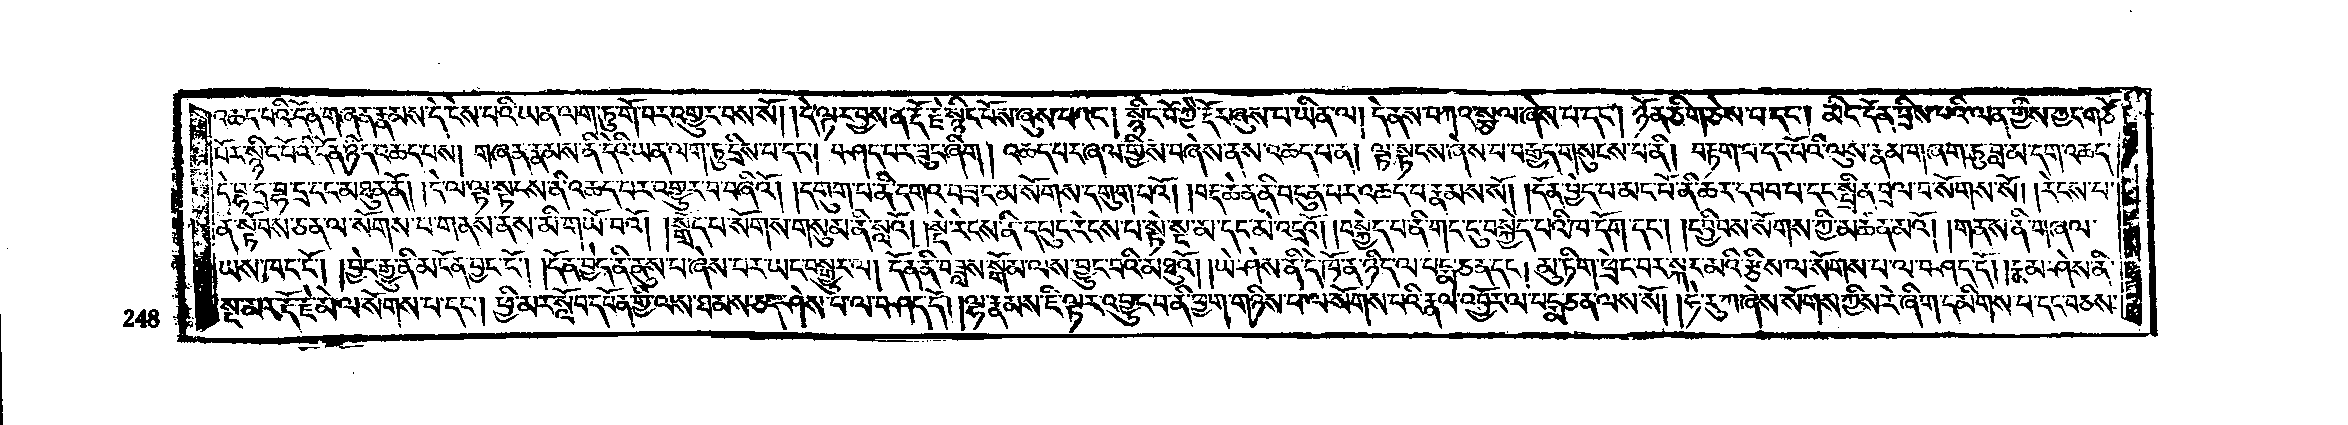འཆད་པའི་དོན་གཞན་རྣམས་དེ་ངེས་པའི་ཡན་ལག་ཏུ་གོ་བར་འགྱུར་བས་སོ། །དེ་ལྟར་བྱས་ན་རྡོ་རྗེ་སྙིང་པོས་ཞུས་པའང་། སྙིང་པོ་ཀྱཻ་རྡོར་ཞུས་པ་ཡིན་ལ། དེ་ནས་བཀའ་སྩལ་ཞེས་པ་དང་། ཉོན་ཅིག་ཅེས་པ་དང་། མིང་དོན་བྲིས་པའི་ལན་གྱིས་ཀྱང་གཙོ་
པོར་སྙིང་པོའི་དོན་ཉིད་འཆད་པས། གཞན་རྣམས་ནི་དེའི་ཡན་ལག་ཏུ་དྲིས་པ་དང་། བཤད་པར་ཟུང་ཞིག །འཆད་པར་ཞལ་གྱིས་བཞེས་ནས་འཆད་པ་ན། ལྟ་སྟངས་ཞེས་པ་བརྒྱད་གསུངས་པ་ནི། བརྟག་པ་དང་པོའི་ལུས་རྣམ་གཞག་ཏུ་བླ་མ་དག་འཆད་
དེ་བྷ་དྲ་བྷ་དྲ་དང་མཐུན་ནོ། །དེ་ལ་ལྟ་སྟངས་ནི་འཆད་པར་འགྱུར་བ་བཞིའོ། །དགུག་པ་ནི་དགའ་བཟང་མ་སོགས་དགུག་པའོ། །བརྡ་ཆེན་ནི་བདུན་པར་འཆད་པ་རྣམས་སོ། །དོན་བྱེད་པ་མང་པོ་ནི་ཆར་དབབ་པ་དང་སྤྲིན་བྲལ་བ་སོགས་སོ། །རེངས་པ་
ནི་སྟོབས་ཅན་ལ་སོགས་པ་གནས་ནས་མི་གཡོ་བའོ། །སྒྲོད་པ་སོགས་གསུམ་ནི་སླའོ། །སྡེ་རེངས་ནི་དཔུང་རེངས་པ་སྟེ་སྔ་མ་དང་མེ་འདྲའོ། །བསྐྱེད་པ་ནི་གང་དུ་བསྐྱེད་པའི་ཁ་དོག་དང་། །དབྱིབས་སོགས་ཀྱི་མཚན་མའོ། །གནས་ནི་གཞལ་ཡས་ཁང་ངོ། །བྱེད་རྒྱུ་ནི་མངོན་བྱང་ངོ། །དོན་བྱེད་ནི་ནུས་པ་ཞེས་པར་ཡང་བསྒྱུར་ལ། དོན་ནི་བཟླས་སྒོམ་ལས་བྱུང་བའི་མཐུའོ། །ཡེ་ཤེས་ནི་དེ་ཁོ་ན་ཉིད་ལ་པདམ་ཅན་དང་། མུ་ཏིག་ཕྲེང་བར་སྐར་མའི་རྩིས་ལ་སོགས་པ་ལ་བཤད་དོ། །རྣམ་ཤེས་ནི་
སྔ་མར་རྡོ་རྗེ་མེ་ལ་སོགས་པ་དང་། ཕྱི་མར་སློབ་དཔོན་གྱི་ལས་ཐམས་ཅད་ཤེས་པ་ལ་བཤད་དོ། །ལྷ་རྣམས་ཇི་ལྟར་འབྱུང་བ་ནི་ཕྱག་གཉིས་པ་ལ་སོགས་པའི་རྣལ་འབྱོར་ལ་པདམ་ཅན་ལས་སོ། །ཧེ་རུ་ཀ་ཞེས་སོགས་ཀྱིས་རེ་ཞིག་དམིགས་པ་དང་བཅས་